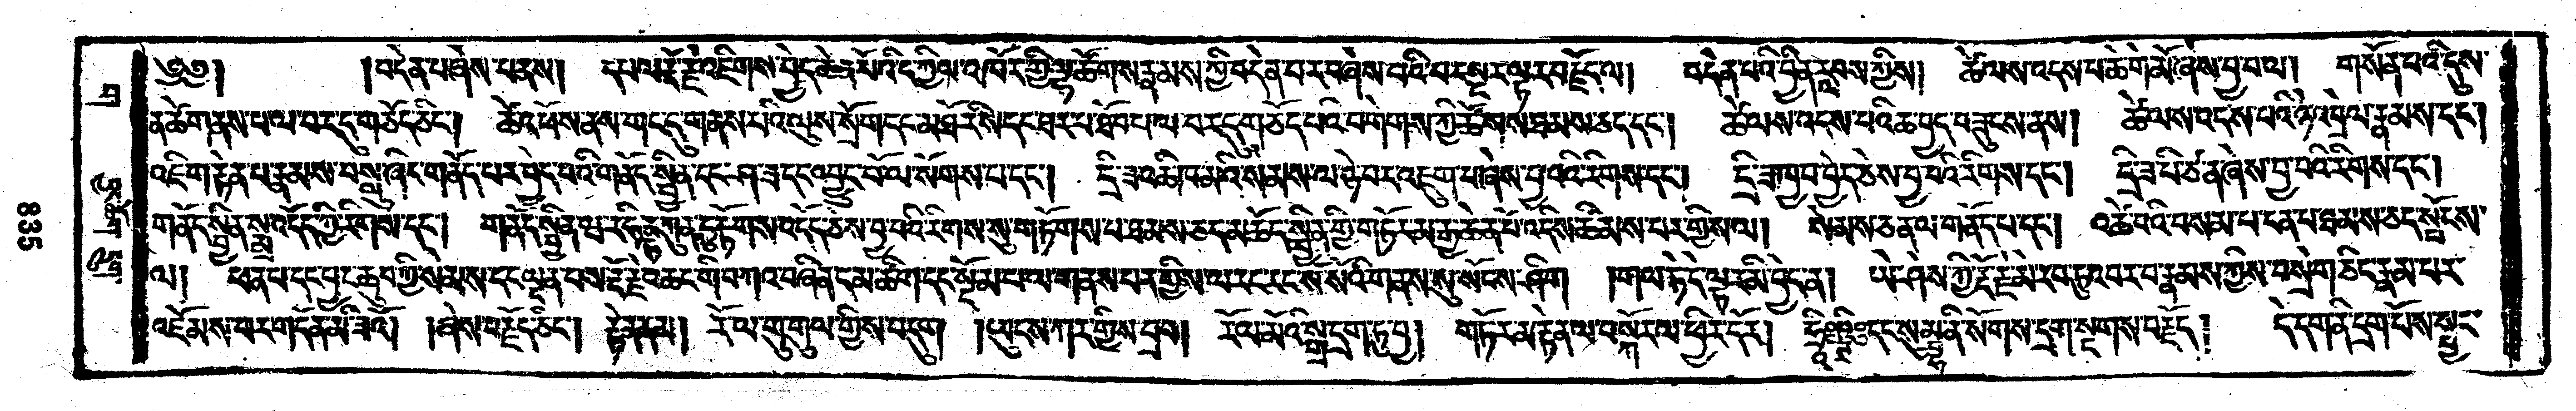༄༅། །བདེན་པ་ཞེས་པ་ནས། དཔལ་རྡོ་རྗེ་འཇིགས་བྱེད་ཆེན་པོའི་དཀྱིལ་འཁོར་གྱི་ལྷ་ཚོགས་རྣམས་ཀྱི་བདེན་བར་བཞེས་བའི་བར་སྔར་ལྟར་བརྗོད་ལ། བདེན་པའི་བྱིན་རླབས་ཀྱིས། ཚེ་ལས་འདས་པ་ཆེ་གེ་མོ་ཞེས་བྱ་བ་ལ། གསོན་པའི་དུས་
ན་ཚེ་གནས་པ་ལ་བར་དུ་གཅོད་ཅིང་། ཚེ་འཕོས་ནས་གང་དུ་གནས་པའི་ལུས་སྲོག་དང་མཐོར་སི་དང་ཐར་པ་ཐོབ་པ་ལ་བར་དུ་གཅོད་པའི་བགེགས་ཀྱི་ཚོགས་ཐམས་ཅད་དང་། ཚེ་ལས་འདས་པའི་ཆ་བྱད་བཟུངས་ནས། ཚེ་ལས་འདས་པའི་ཉེ་འབྲེལ་རྣམས་དང་།
འཇིག་རྟེན་པ་རྣམས་བསླུ་ཞིང་གནོད་པར་བྱེད་པའི་གནོད་སྦྱིན་དང་ཤ་ཟ་དང་འབྱུང་བོ་ལ་སོགས་པ་དང་། དྲི་ཟ་འཆི་ཁ་མའི་སེམས་ལ་ཉེ་བར་འཇུག་པ་ཞེས་བྱ་བའི་རིགས་དང་། དྲི་ཟ་ཁྱབ་བྱེད་ཅེས་བྱ་བའི་རིགས་དང་། དྲི་ཟ་པི་ཙ་ན་ཞེས་བྱ་བའི་རིགས་དང་།
གནོད་སྦྱིན་སྨྲ་འདོད་ཀྱི་རིགས་དང་། གནོད་སྦྱིན་ཝ་ར་ཧིནྟ་ཀུན་དུ་རྟོགས་འདོད་ཅེས་བྱ་བའི་རིགས་སུ་གཏོགས་པ་ཐམས་ཅད་མཆོད་སྦྱིན་གྱི་གཏོར་མ་རྒྱ་ཆེན་པོ་འདིས་ཚིམས་པར་གྱིས་ལ། སེམས་ཅན་ལ་གནོད་པ་དང་། འཚེ་བའི་བསམ་པ་ངན་པ་ཐམས་ཅད་སྤོངས་
ལ། ཕན་པ་དང་བྱང་ཆུབ་ཀྱི་སེམས་དང་ལྡན་པས་རྡོ་རྗེ་འཆང་གི་བཀའ་བཞིན་དམ་ཚིག་དང་སྔོམ་པ་ལ་གནས་པར་གྱིས་ལ་རང་རང་སོ་སོའི་གནས་སུ་སོངས་ཤིག །གལ་ཏེ་དེ་ལྟར་མི་བྱེད་ན། ཡེ་ཤེས་ཀྱི་རྡོ་རྗེ་མེ་རབ་ཏུ་འབར་བ་རྣམས་ཀྱིས་བསྲེག་ཅིང་རྣམ་པར་
འཇོམས་བར་གདོན་མི་ཟའོ། །ཞེས་བརྗོད་ཅིང་། རྟེན་ནམ། རོ་ལ་གུ་གུལ་གྱིས་བདུག །ཡུངས་ཀར་གྱིས་བྲབ། རོལ་མོའི་སྒྲ་དྲག་ཏུ་བྱ། གཏོར་མ་རྟེན་ལ་བསྐོར་ལ་ཕྱིར་དོར། ཧྲཱི་ཥྚིཿདང་སུམྦྷ་ནི་སོགས་དྲག་སྔགས་བརྗོད། དེ་དག་ནི་དྲག་པོས་སྤྱང་